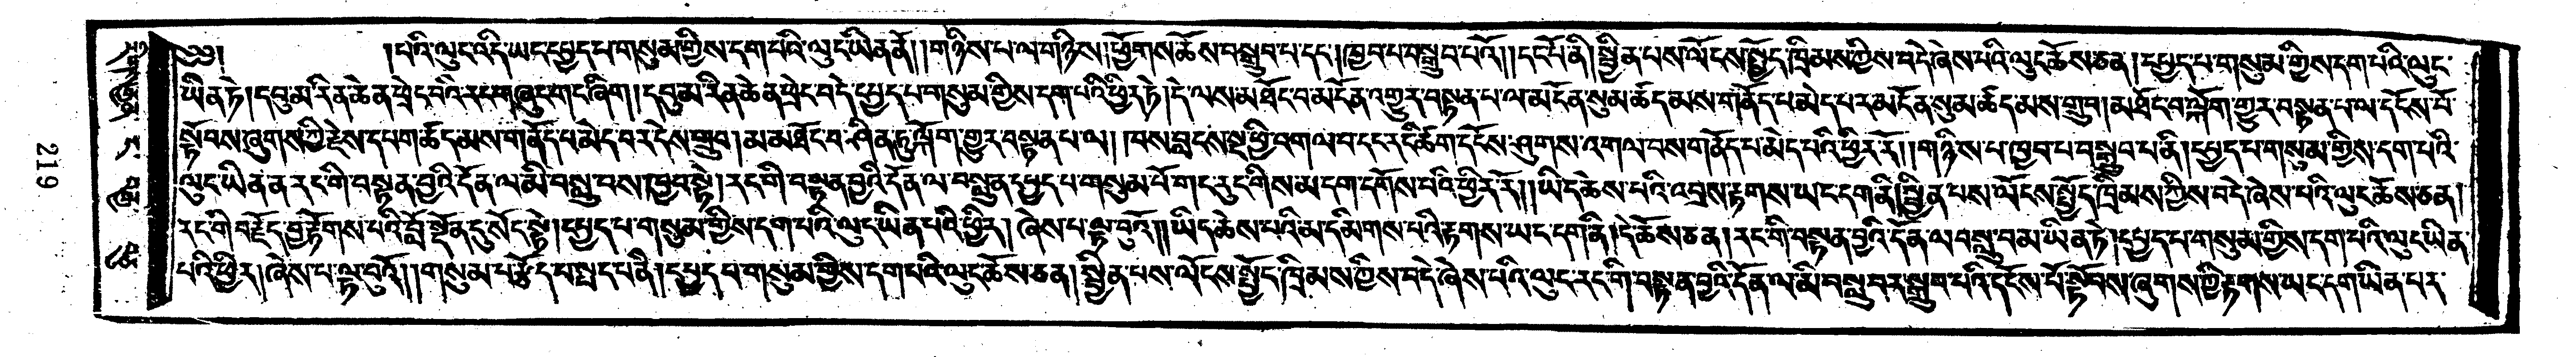༄༅། །པའི་ལུང་འདི་ཡང་དཔྱད་པ་གསུམ་གྱིས་དག་པའི་ལུང་ཡིན་ནོ། །གཉིས་པ་ལ་གཉིས། ཕྱོགས་ཆོས་བསྒྲུབ་པ་དང་། ཁྱབ་པ་བསྒྲུབ་པའོ། །དང་པོ་ནི། སྦྱིན་པས་ལོངས་སྤྱོད་ཁྲིམས་ཀྱིས་བདེ་ཞེས་པའི་ལུང་ཆོས་ཅན། དཔྱད་པ་གསུམ་གྱིས་དག་པའི་ལུང་
ཡིན་ཏེ། དབུ་མ་རིན་ཆེན་ཕྲེང་བའི་རང་གཞུང་གང་ཞིག ། དབུ་མ་རིན་ཆེན་ཕྲེང་བ་དེ་དཔྱད་པ་གསུམ་གྱིས་དག་པའི་ཕྱིར་ཏེ། དེ་ལས་མཐོང་བ་མངོན་འགྱུར་བསྟན་པ་ལ་མངོན་སུམ་ཚད་མས་གནོད་པ་མེད་པར་མངོན་སུམ་ཚད་མས་གྲུབ། མཐོང་བ་ལྐོག་གྱུར་བསྟན་པ་ལ་དངོས་པོ་
སྟོབས་ཞུགས་ཀྱི་རྗེས་དཔག་ཚད་མས་གནོད་པ་མེད་པར་དེས་གྲུབ། མ་མཐོང་བ་ཤིན་ཏུ་ལྐོག་གྱུར་བསྟན་པ་ལ། ཁས་བླངས་སྔ་ཕྱི་འགལ་བ་དང་། རང་ཚིག་དངོས་ཤུགས་འགལ་བས་གནོད་པ་མེད་པའི་ཕྱིར་རོ། །གཉིས་པ་ཁྱབ་པ་བསྒྲུབ་པ་ནི། དཔྱད་པ་གསུམ་གྱིས་དག་པའི་
ལུང་ཡིན་ན་རང་གི་བསྟན་བྱའི་དོན་ལ་མི་བསླུ་བས་ཁྱབ་སྟེ། རང་གི་བསྟན་བྱའི་དོན་ལ་བསླུ་ན་དཔྱད་པ་གསུམ་པོ་གང་རུང་གི་མ་དག་དགོས་པའི་ཕྱིར་རོ། །ཡིད་ཆེས་པའི་འབྲས་རྟགས་ཡང་དག་ནི། སྦྱིན་པས་ལོངས་སྤྱོད་ཁྲིམས་ཀྱིས་བདེ་ཞེས་པའི་ལུང་ཆོས་ཅན།
རང་གི་བརྗོད་བྱ་རྟོགས་པའི་བློ་སྔོན་དུ་སོང་སྟེ། དཔྱད་པ་གསུམ་གྱིས་དག་པའི་ལུང་ཡིན་པའི་ཕྱིར། ཞེས་པ་ལྟ་བུའོ། །ཡིད་ཆེས་པའི་མ་དམིགས་པའི་རྟགས་ཡང་དག་ནི། དེ་ཆོས་ཅན། རང་གི་བསྟན་བྱའི་དོན་ལ་བསླུ་བ་མ་ཡིན་ཏེ། དཔྱད་པ་གསུམ་གྱིས་དག་པའི་ལུང་ཡིན་
པའི་ཕྱིར། ཞེས་པ་ལྟ་བུའོ། །གསུམ་པ་རྩོད་པ་སྤང་བ་ནི། དཔྱད་པ་གསུམ་གྱིས་དག་པའི་ལུང་ཆོས་ཅན། སྦྱིན་པས་ལོངས་སྤྱོད་ཁྲིམས་ཀྱིས་བདེ་ཞེས་པའི་ལུང་རང་གི་བསྟན་བྱའི་དོན་ལ་མི་བསླུ་བར་སྒྲུབ་པའི་དངོས་པོ་སྟོབས་ཞུགས་ཀྱི་རྟགས་ཡང་དག་ཡིན་པར་